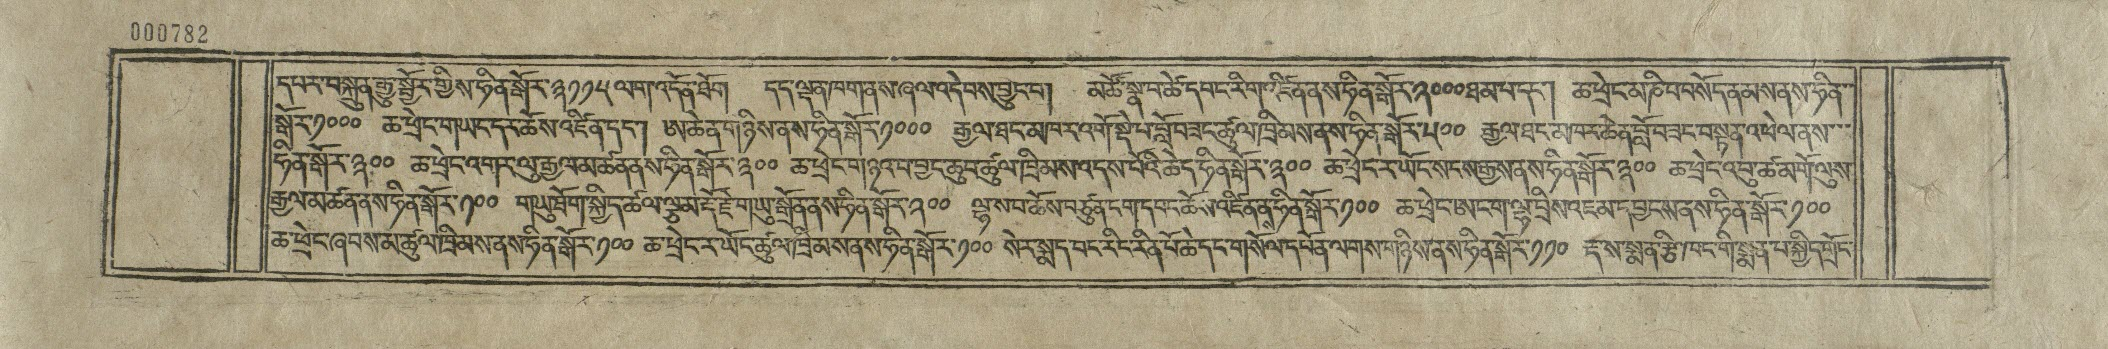དཔར་བསྐྲུན་རྒྱུ་སྦྱོར་གྱིས་ཧིན་སྒོར ༣༡༡༥་ལག་འདོན་ཐོག་དད་ལྡན་ཁག་ནས་ཞལ་འདེབས་བྱུང་བ། མཚོ་སྣ་བ་ཚེ་དབང་རིག་འཛིན་ནས་ཧིན་སྒོར ༢༠༠༠་ཐམ་པ་དང་། ཆ་ཕྲེང་མ་ཎི་བ་བསོད་ནམས་ནས་ཧིན་
སྒོར ༡༠༠༠་ཆ་ཕྲེང་གཡང་དར་ཆོས་འཛིན་དང་། ཨ་ཆེན་གཉིས་ནས་ཧིན་སྒོར ༡༠༠༠་རྒྱལ་ཐང་མཁར་འགོ་སྡེ་པ་བློ་བཟང་ཚུལ་ཁྲིམས་ནས་ཧིན་སྒོར ༥༠༠་རྒྱལ་ཐང་མཁར་ཆེན་བློ་བཟང་བསྟན་འཕེལ་ནས་
ཧིན་སྒོར ༣༠༠་ཆ་ཕྲེང་འགར་ལུ་རྒྱལ་མཚན་ནས་ཧིན་སྒོར ༣༠༠་ཆ་ཕྲེང་གཉའ་བ་བྱང་ཆུབ་ཚུལ་ཁྲིམས་འདས་པོའི་ཆེད་ཧིན་སྒོར ༣༠༠་ཆ་ཕྲེང་ར་ཡོང་སངས་རྒྱས་ནས་ཧིན་སྒོར ༣༠༠་ཆ་ཕྲེང་འབུ་ཚ་མགོ་ལུས་
རྒྱལ་མཚན་ནས་ཧིན་སྒོར ༡༠༠་གཡུ་ཐོག་སྐྱིད་ཚལ་ལྕམ་རྡོ་རྗེ་གཡུ་སྒྲོན་ནས་ཧིན་སྒོར ༢༠༠་ལྷ་ས་བ་ཆོས་བཙུན་ངག་དབང་ཆོས་འཛིན་ནས་ཧིན་སྒོར ༡༠༠་ཆ་ཕྲེང་ཨང་ག་ལྷ་བྲིས་འཇམ་དབྱངས་ནས་ཧིན་སྒོར ༡༠༠
ཆ་ཕྲེང་ཞབས་མ་ཚུལ་ཁྲིམས་ནས་ཧིན་སྒོར ༡༠༠་ཆ་ཕྲེང་ར་ཡོང་ཚུལ་ཁྲིམས་ནས་ཧིན་སྒོར ༡༠༠་སེར་སྨད་བང་རིང་རིན་པོ་ཆེ་དང་གསོལ་དཔོན་ལགས་གཉིས་ནས་ཧིན་སྒོར ༡༡༠་རྡ་ས་སྨན་རྩི་ཁང་གི་སྨན་པ་སྐྱིད་གྲོང་